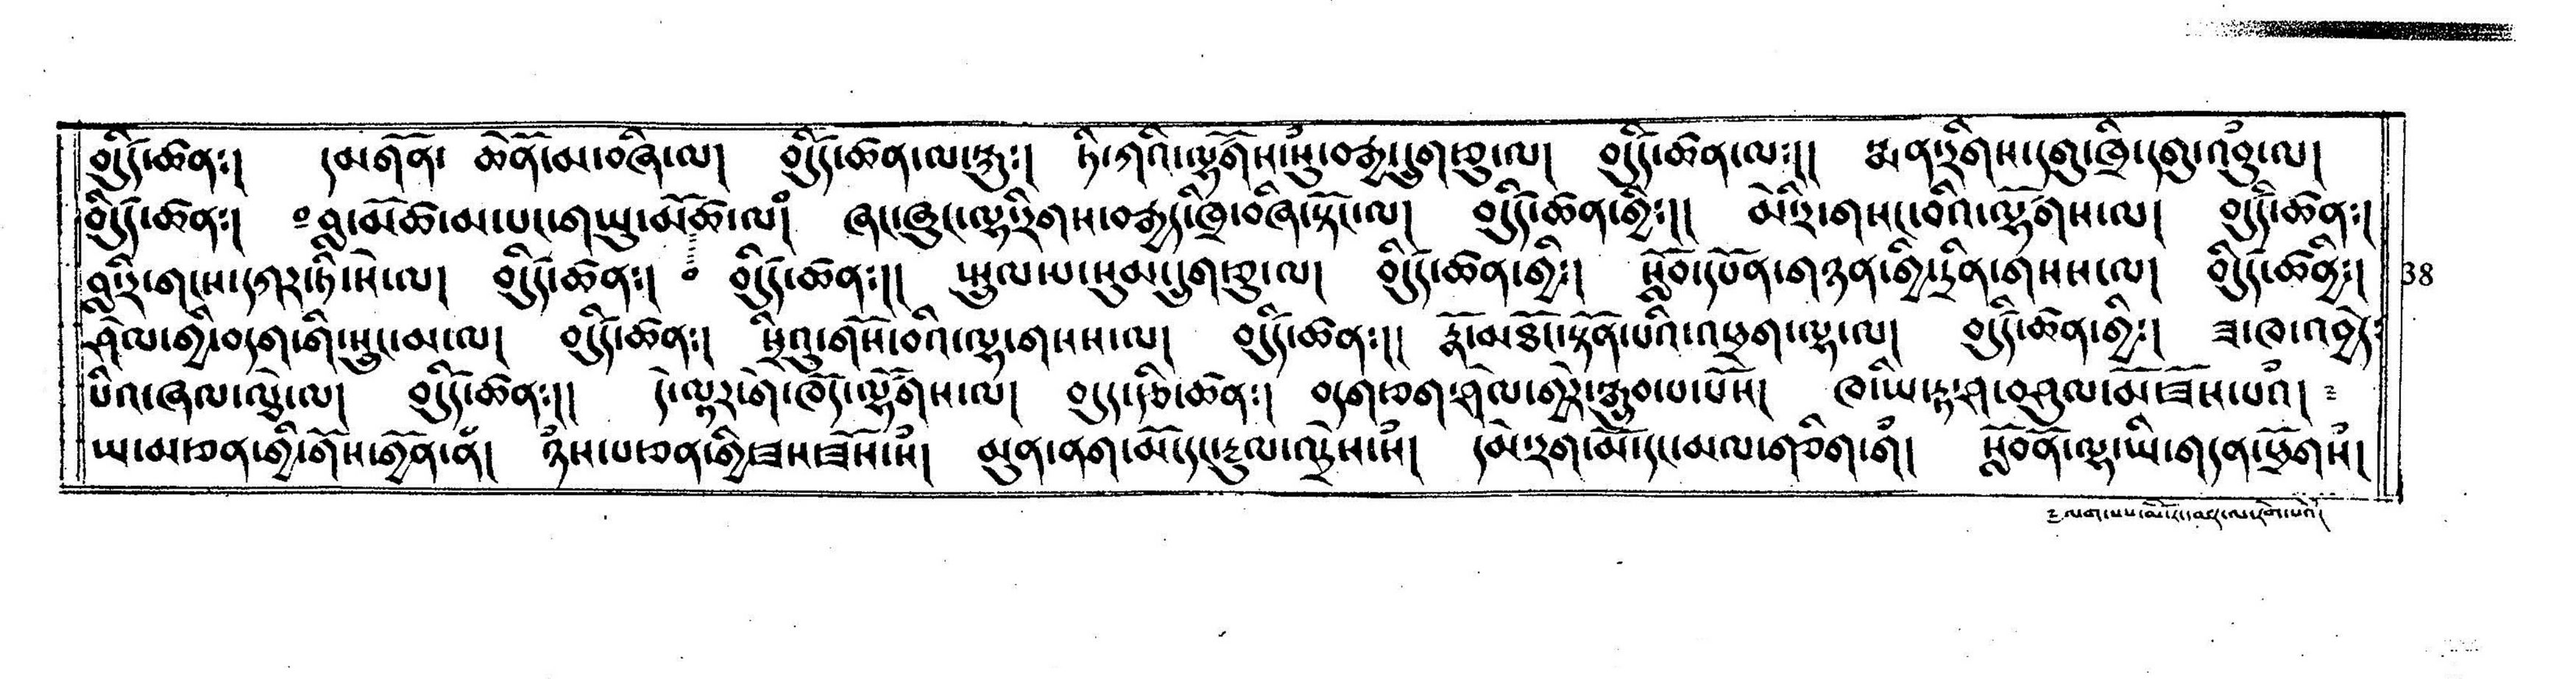བདུད་རྩི་ཚན:། དམག་དཔོན་ཆེན་པོ་མ་བཞི་ལ། བདུད་རྩི་ཚན:། ཏི་ཀའི་ལྷ་ཚོགས་སུམ་བརྒྱ་དྲུག་ཅུ་ལ། བདུད་རྩི་ཚན:། སྨན་རིགས་དགུ་ཁྲི་དགུ་འབུམ་ལ། 
བདུད་རྩི་ཚན་:། ཞང་ཞུང་ལྷ་རིགས་བརྒྱད་ཁྲི་བཞི་སྟོང་ལ། བདུད་རྩི་ཚན་གྱི:། མེ་རི་གསང་བའི་ལྷ་ཚོགས་ལ། བདུད་རྩི་ཚན:། 
བླ་རི་གངས་དཀར་ཏི་སེ་ལ། བདུད་རྩི་ཚན:། བླ་མཚོ་མ་པང་གཡུ་མཚོ་ལ། བདུད་རྩི་ཚན:། སྤྲུལ་པ་སུམ་དྲུག་ཅུ་ལ། བདུད་རྩི་ཚན་གྱི:། སློབ་དཔོན་གཉན་གྱི་དྲིན་གསས་ལ། བདུད་རྩི་ཚན:། 
ཤེལ་གྱི་བདག་གི་སྲུང་མ་ལ། བདུད་རྩི་ཚན:། སྲིའུ་གསོ་བའི་ལྷ་གསས་ལ། བདུད་རྩི་ཚན:། རྣོ་མཐོང་སྟོན་པའི་འཕྲག་ལྷ་ལ། བདུད་རྩི་ཚན་གྱི:། ཟ་ཁ་འབྱེད་
པའི་ཞལ་ལྕེ་ལ། བདུད་རྩི་ཚན:། དེ་ལྟར་གེ་ཁོད་ལྷ་ཚོགས་ལ། བདུད་རྩི་ཚན:། བདག་ཅག་ཤེལ་གྱེར་སྒྲུབ་པ་པོས། ཁ་ཡི་རྟ་ཤ་བཤུལ་མོ་ཟོས་པའམ། ལག་པས་མི་རོ་དམར་རེག་པའི། 
ཡ་མ་ཅན་གྱི་གོས་གྱོན་ནམ། ཉམས་པ་ཅན་གྱི་ཟས་ཟོས་སམ། མུན་ནག་མོ་དང་རྔུལ་འདྲེས་སམ། དམེ་རག་མོ་དང་མལ་གཅིག་གམ། སློབ་དཔོན་ལྷ་ཡི་གདན་ཕྲོགས་སམ།